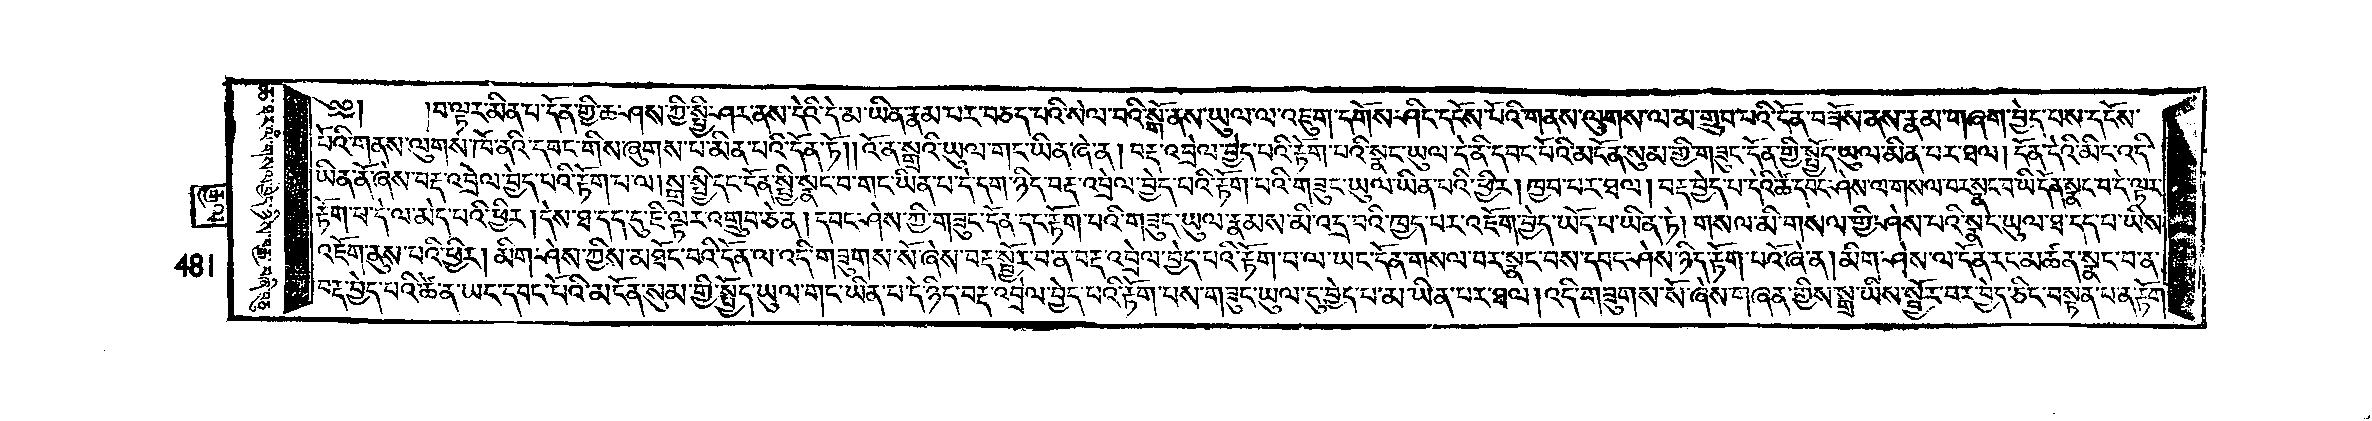༄༅། །བ་ལྟར་མིན་པ་དོན་གྱི་ཆ་ཤས་ཀྱི་སྤྱི་ཤར་ནས་དེའི་དེ་མ་ཡིན་རྣམ་པར་བཅད་པའི་སེལ་བའི་སྒོ་ནས་ཡུལ་ལ་འཇུག་དགོས་ཤིང་དངོས་པོའི་གནས་ལུགས་ལ་མ་གྲུབ་པའི་དོན་བཟོས་ནས་རྣམ་གཞག་བྱེད་པས་དངོས་
པོའི་གནས་ལུགས་ཁོ་ནའི་དབང་གིས་ཞུགས་པ་མིན་པའི་དོན་ཏོ། །འོ་ན་སྒྲའི་ཡུལ་གང་ཡིན་ཞེ་ན། བརྡ་འབྲེལ་བྱེད་པའི་རྟོག་པའི་སྣང་ཡུལ་དེ་ནི་དབང་པོའི་མངོན་སུམ་གྱི་གཟུང་དོན་གྱི་སྤྱོད་ཡུལ་མིན་པར་ཐལ། དོན་དེའི་མིང་འདི་
ཡིན་ནོ་ཞེས་བརྡ་འབྲེལ་བྱེད་པའི་རྟོག་པ་ལ། སྒྲ་སྤྱི་དང་དོན་སྤྱི་སྣང་བ་གང་ཡིན་པ་དེ་དག་ཉིད་བརྡ་འབྲེལ་བྱེད་པའི་རྟོག་པའི་གཟུང་ཡུལ་ཡིན་པའི་ཕྱིར། ཁྱབ་པར་ཐལ། བརྡ་བྱེད་པ་དེའི་ཚེ་དབང་ཤེས་ལ་གསལ་བར་སྣང་བ་ཡི་དོན་སྣང་བ་དེ་ལྟར་
རྟོག་པ་དེ་ལ་མེད་པའི་ཕྱིར། དེས་ཐ་དད་དུ་ཇི་ལྟར་འགྲུབ་ཅེ་ན། དབང་ཤེས་ཀྱི་གཟུང་དོན་དང་རྟོག་པའི་གཟུང་ཡུལ་རྣམས་མི་འདྲ་བའི་ཁྱད་པར་འཇོག་བྱེད་ཡོད་པ་ཡིན་ཏེ། གསལ་མི་གསལ་གྱི་ཤེས་པའི་སྣང་ཡུལ་ཐ་དད་པ་ཡིས་
འཇོག་ནུས་པའི་ཕྱིར། མིག་ཤེས་ཀྱིས་མཐོང་བའི་དོན་ལ་འདི་གཟུགས་སོ་ཞེས་བརྡ་སྦྱོར་བ་ན་བརྡ་འབྲེལ་བྱེད་པའི་རྟོག་པ་ལ་ཡང་དོན་གསལ་བར་སྣང་བས་དབང་ཤེས་ཉིད་རྟོག་པའོ་ཞེ་ན། མིག་ཤེས་ལ་དོན་རང་མཚན་སྣང་བ་ན་
བརྡ་བྱེད་པའི་ཚེ་ན་ཡང་དབང་པོའི་མངོན་སུམ་གྱི་སྤྱོད་ཡུལ་གང་ཡིན་པ་དེ་ཉིད་བརྡ་འབྲེལ་བྱེད་པའི་རྟོག་པས་གཟུང་ཡུལ་དུ་བྱེད་པ་མ་ཡིན་པར་ཐལ། འདི་གཟུགས་སོ་ཞེས་གཞན་གྱིས་སྒྲ་ཡིས་སྦྱོར་བར་བྱེད་ཅིང་བསྟན་པ་ན་རྟོག་